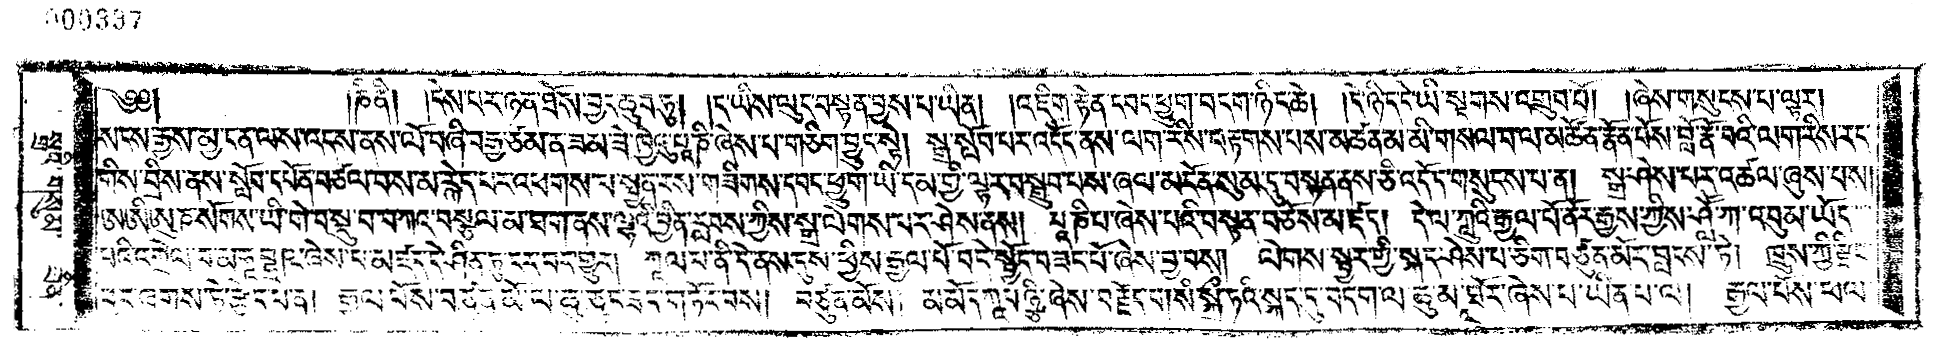༄༅། །ཎི་ནི། །ངེས་པར་ཉན་ཐོས་བྱང་ཆུབ་ཏུ། །ང་ཡིས་ལུང་བསྟན་བྱས་པ་ཡིན། །འཇིག་རྟེན་དབང་ཕྱུག་བདག་ཉིད་ཚེ། །དེ་ཉིད་དེ་ཡི་སྔགས་འགྲུབ་པོ། །ཞེས་གསུངས་པ་ལྟར།
སངས་རྒྱས་མྱ་ངན་ལས་འདས་ནས་ལོ་བཞི་བརྒྱ་ཙམ་ན་ཟམ་ཟེ་ཁྱེའུ་པཱ་ཎི་ཞེས་པ་གཅིག་བྱུང་སྟེ། སྒྲ་སློབ་པར་འདོད་ནས་ལག་རིས་བརྟགས་པས་མཚན་མ་མི་གསལ་བ་ལ་མཚོན་རྣོན་པོས་བློ་རྣོ་བའི་ལག་རིས་རང་
གིས་བྲིས་ནས་སློབ་དཔོན་བཙལ་བས་མ་རྙེད་པར་འཕགས་པ་སྤྱན་རས་གཟིགས་དབང་ཕྱུག་ཡི་དམ་གྱི་ལྟར་བསྒྲུབ་པས་ཞལ་མངོན་སུམ་དུ་བསྟན་ནས་ཅི་འདོད་གསུངས་པ་ན། སྒྲ་ཤེས་པར་འཚལ་ཞུས་པས།
ཨ་ཨི་ཨུཎ་སོགས་ཡི་གེ་བསྡུ་བ་བཀའ་བསྩལ་མ་ཐག་ནས་ལྷའི་བྱིན་རླབས་ཀྱིས་སྒྲ་ལེགས་པར་ཤེས་ནས། པཱ་ཎི་པ་ཞེས་པའི་བསྟན་བཅོས་མཛད། དེ་ལ་ཀླུའི་རྒྱལ་པོ་ནོར་རྒྱས་ཀྱིས་ཤླཽ་ཀ་འབུམ་ཡོད་
པའི་འགྲེལ་བ་མཧཱ་བྷྲཥ་ཞེས་པ་མཛད་དེ་ཤིན་ཏུ་ངར་བར་གྱུར། ཀཱལ་པ་ནི་དེ་ནས་དུས་ཕྱིས་རྒྱལ་པོ་བདེ་སྤྱོད་བཟང་པོ་ཞེས་བྱ་བས། ལེགས་སྦྱར་གྱི་སྐད་ཤེས་པ་ཅིག་བཙུན་མོར་བླངས་ཏེ། ཁྲུས་ཀྱི་རྫིང་
བུར་ཞུགས་ཏེ་རྩེད་པ་ན། རྒྱལ་པོས་བཙུན་མོ་ལ་ཆུ་ཅུང་ཟད་གཏོར་བས། བཙུན་མོས། མ་མོད་ཀཱ་པ་ཉྩི་ཞེས་བརྗོད་པ། སཾ་སྐྲྀ་ཏའི་སྐད་དུ་བདག་ལ་ཆུ་མ་འཐོར་ཞེས་པ་ཡིན་པ་ལ། རྒྱལ་པོས་ཕལ་